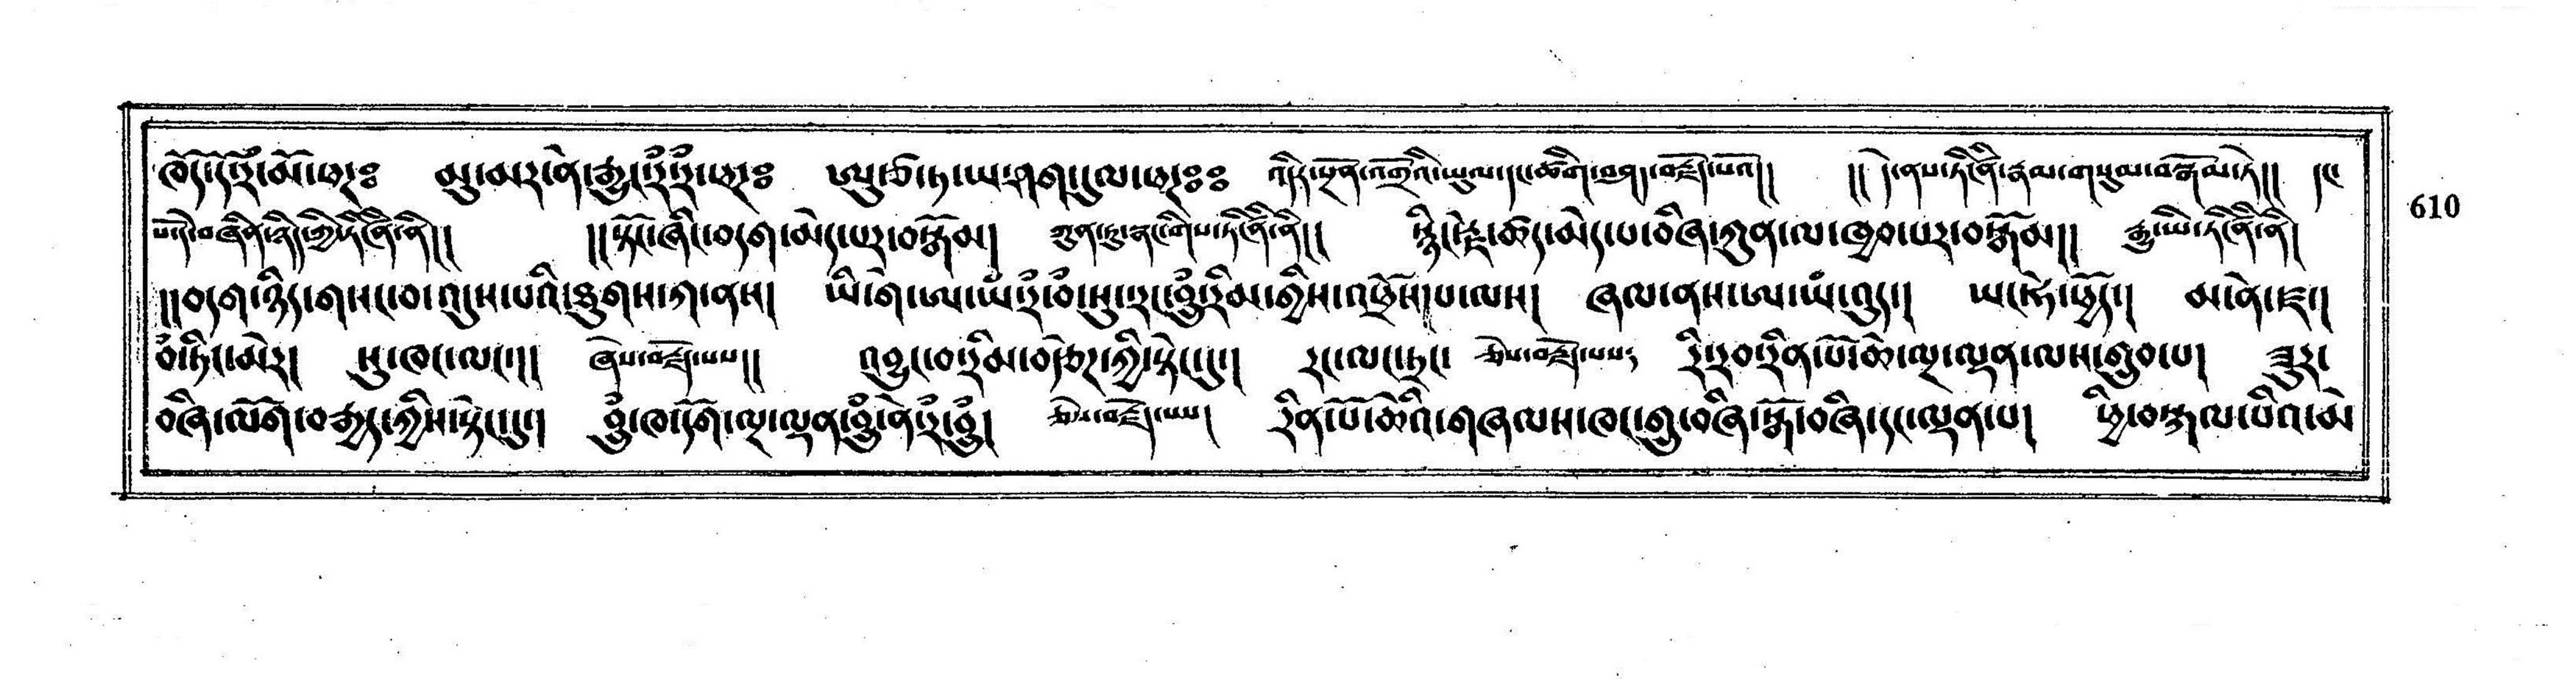ཁོད་དོ་རཾ་མོ་ཕཊཿ མུ་མར་ནེ་རྒྱུང་རཾ་རཾ་ཕཊཿ ཨུ་ཙ་ཏ་ཡ་ཤག་དུལ་ཕཊཿ༔ འདིར་སྔོན་འགྲོའི་ཡུལ་དང་ཚིག་བཤད་བརྗོད་པའོ།། །།དེ་ནས་ཏིང་འཛིན་རྣམ་གསུམ་བསྒོམ་ཏེ།། དང་
པོ་དེ་བཞིན་ཉིད་ཀྱི་ཏིང་འཛིན་ནི།། །།སྟོང་ཞིང་བདག་མེད་པར་བསྒོམ། ཀུན་ཏུ་སྣང་གིས་ཏིང་འཛིན་ནི།། སྙིང་རྗེ་ཚད་མེད་པ་བཞི་ཀུན་ལ་ཁྱབ་པར་བསྒོམ།། རྒྱུ་ཡི་ཏིང་འཛིན་ནི། 
།།བདག་ཉིད་གསང་བ་འདུས་པའི་ཐུགས་ཀ་ནས། ཡི་གེ་ཨ་ཡཾ་རཾ་བཾ་སུ་རང་བྲུཾ་རིམ་གྱིས་འཕྲོས་པ་ལས། ཞལ་ནས་ཨ་ཡཾ་འདུ། ཡང་ཧེ་ཕྱོད། མ་ནེ་ཛ། 
བཾ་ཏིང་མེར། སུ་ཁང་ལང་།། ཞེས་བརྗོད་པས།། འབྱུང་བ་རིམ་བརྩེགས་ཀྱི་སྟེང་དུ། རང་ལང་ཏྲང་ཅེས་བརྗོད་པས་རི་རབ་རིན་པོ་ཆེ་ལྔ་ལྡན་ལས་གྲུབ་པ། ཟུར་
བཞི་ལོག་བརྒྱད་ཀྱིས་སྟེང་དུ། བྲུཾ་ཁ་དོག་ལྔ་ལྡན་བྲུཾ་ནེ་རཾ་བྲུཾ། ཅེས་བརྗོད་པས། རིན་པོ་ཆེའི་གཞལ་ཡས་ཁང་གྲུ་བཞི་སྒོ་བཞི་དང་ལྡན་པ། ཕྱི་བསྐལ་པའི་མེ་